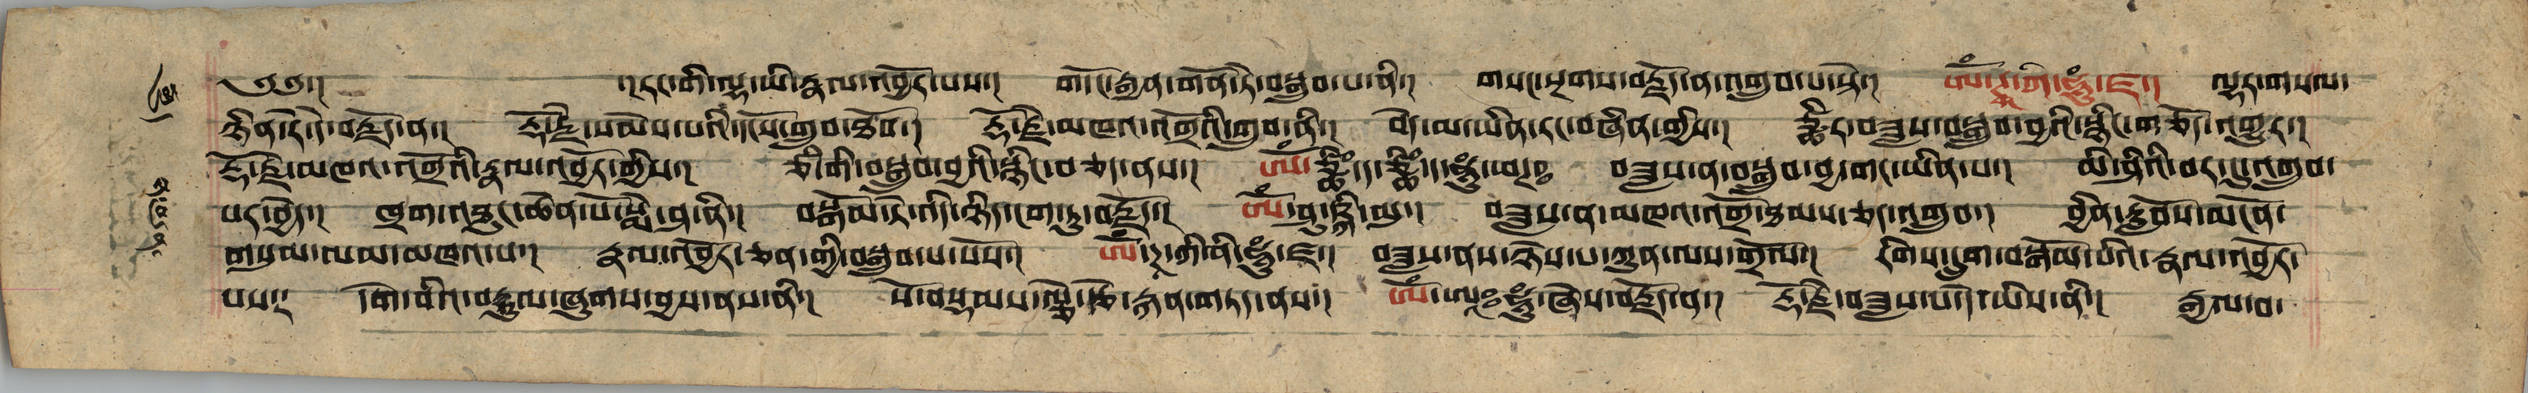༄༅་། ་།རང་གི་ལྷ་ཡི་རྣལ་འབྱོར་པས་། གདོང་རྒྱན་གོན་ཏེ་བསྒྲུབ་པ་ནི་། གསང་སྔགས་བརྗོད་ན་འགྲུབ་པ་སྟེ་། ཨོཾ་ཊཱ་ཀི་ཧཱུཾ་ཛ་། ལྷར་གསལ་
ཉིན་རེ་དེ་བརྗོད་ན་། རྡོ་རྗེ་སེམས་པའི་དངོས་གྲུབ་ཐོབ་། རྡོ་རྗེ་མཁའ་འགྲོའི་གྲུབ་ནི་། བདེ་མ་ཡིན་རང་བཞིན་གྱིས་། ཙྪིར་བཟླས་བསྒྲུབ་བྱའི་སྙིང་གཅོད་འགྱུར་།
རྡོ་རྗེ་མཁའ་འགྲོའི་རྣལ་འབྱོར་ཀྱིས་། ཙི་གི་བསྒྲུབ་བྱའི་སྙིང་བཅད་ནས་། ཨོཾ་ཙྪིཾ་ད་ཙྪིཾ་ད་ཧཱུཾ་ཕཊཿ བཟླས་ན་བསྒྲུབ་བྱ་གང་ཡིན་པ་། མི་ཤིའི་བར་དུ་འགྲུབ་
པར་བྱེད་། ཁྲག་འཐུང་ཆེན་པོ་སྨེ་ཤ་ནི་། བསྒོམ་ཏེ་འདི་ཉིད་ངག་ཏུ་བརྗོད་། ཨོཾ་ཤུ་ཥྐི་མུ་། བཟླས་ན་མཁའ་འགྲོ་ཐམས་ཅད་འགྲུབ་། བྱིན་རློབས་མངོན་
གསུམ་ལམ་མཁའ་པ་། རྣལ་འབྱོར་ཅན་གྱི་བསྒྲུབ་པ་པོས་། ཨོཾ་ཌཱ་ཀི་ནི་ཧཱུཾ་ཛ་། བཟླས་ནས་ཉེས་པ་ཀུན་ལས་གྲོལ་། རིགས་དྲུག་བསྒོམ་པའི་རྣལ་འབྱོར་
པས༑ དགེ་བའི་བརྡུལ་ཞུགས་བྱས་ནས་ནི་། སོ་བསྡམས་ལྕེ་རྩེ་རྐན་གཏད་ནས་། ཨོཾ་ཨཱཿཧཱུཾ་ཞེས་བརྗོད་ན་། རྡོ་རྗེ་བཟླས་པ་དེ་ཡིས་ནི་། རྒྱལ་བ་